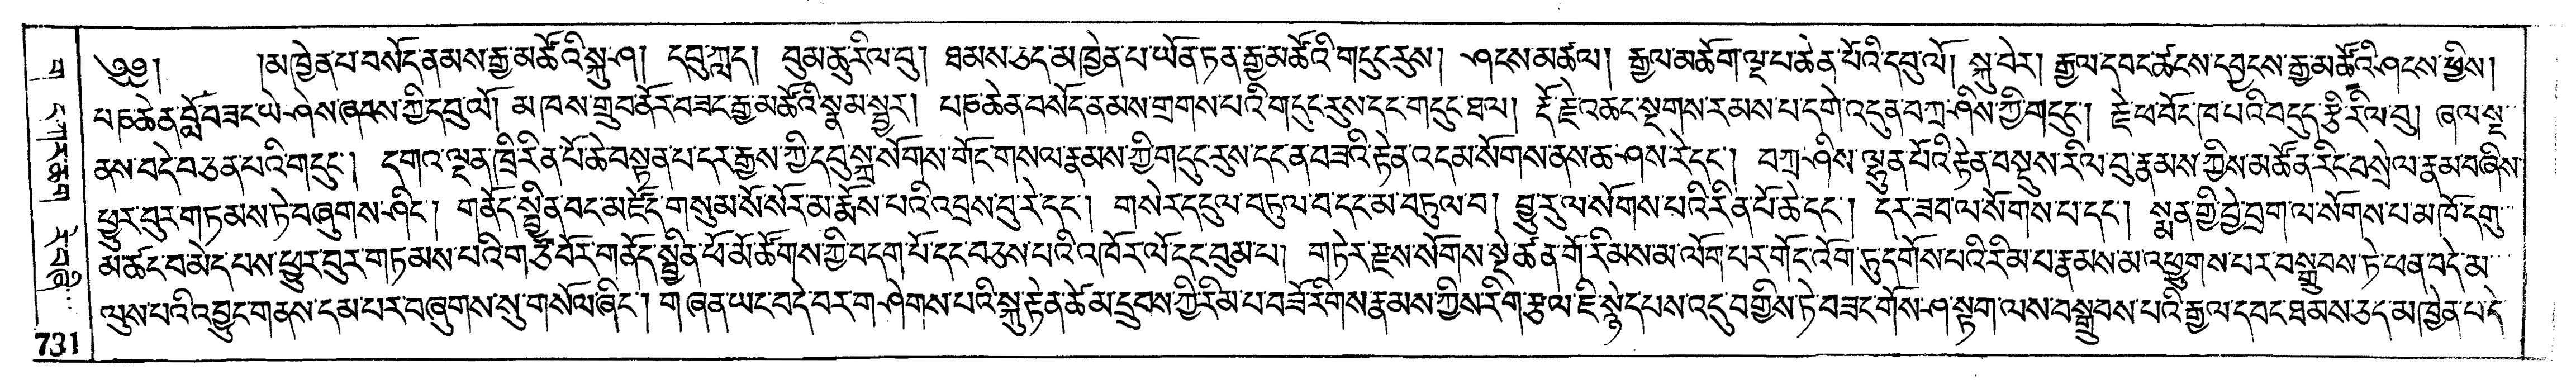༄༅། །མཁྱེན་པ་བསོད་ནམས་རྒྱ་མཚོའི་སྐུ་ཤ། དབུ་ཀླད། བུམ་ཆུ་རིལ་བུ། །ཐམས་ཅད་མཁྱེན་པ་ཡོན་ཏན་རྒྱ་མཚོའི་གདུང་རུས། ཤངས་མཚལ། རྒྱལ་མཆོག་ལྔ་པ་ཆེན་པོའི་དབུ་ལོ། སྐུ་བེར། རྒྱལ་དབང་ཚངས་དབྱངས་རྒྱ་མཚོའི་ཤངས་ཕྱིས།
པཎ་ཆེན་བློ་བཟང་ཡེ་ཤེས་ཞབས་ཀྱི་དབུ་ལོ། མཁས་གྲུབ་ནོར་བཟང་རྒྱ་མཚོའི་སྣམ་སྦྱར། པཎ་ཆེན་བསོད་ནམས་གྲགས་པའི་གདུང་རུས་དང་གདུང་ཐལ། རྡོ་རྗེ་འཆང་སྔགས་རམས་པ་དགེ་འདུན་བཀྲ་ཤིས་ཀྱི་གདུང་། རྗེ་ཕ་བོང་ཁ་པའི་བདུད་རྩི་རིལ་བུ། ཞལ་སྔ་
ནས་བདེ་བཅན་པའི་གདུང་། དགའ་ལྡན་ཁྲི་རིན་པོ་ཆེ་བསྟན་པ་དར་རྒྱས་ཀྱི་དབུ་སྐྲ་སོགས་གོང་གསལ་རྣམས་ཀྱི་གདུང་རུས་དང་ན་བཟའི་རྟེན་འདམ་སོགས་ནས་ཆ་ཤས་རེ་དང་། བཀྲུ་ཤིས་ལྷུན་པོའི་རྟེན་བསྡུས་རིལ་བུ་རྣམས་ཀྱིས་མཚོན་རིང་བསྲེལ་རྣམ་བཞིས་
ཕྱུར་བུར་གཏམས་ཏེ་བཞུགས་ཤིང་། གནོད་སྦྱིན་བང་མཛོད་གསུམ་སོ་སོར་མ་རྨོས་པའི་འབྲས་བུ་རེ་དང་། གསེར་དངུལ་བཏུལ་བ་དང་མ་བཏུལ་བ། བྱུ་རུ་ལ་སོགས་པའི་རིན་པོ་ཆེ་དང་། དར་ཟབ་ལ་སོགས་པ་དང་། སྨན་གྱི་བྱེ་བྲག་ལ་སོགས་པ་མཁོ་དགུ་
མ་ཚང་བ་མེད་པས་ཕྱུར་བུར་གཏམས་པའི་གཙོ་བོར་གནོད་སྦྱིན་ཕོ་མོ་ཚོགས་ཀྱི་བདག་པོ་དང་བཅས་པའི་འཁོར་ལོ་དང་བུམ་པ། གཏེར་རྫས་སོགས་སྡེ་ཚན་གོ་རིམས་མ་ལོག་པར་གོང་འོག་ཏུ་དགོས་པའི་རིམ་པ་རྣམས་མ་འཕྱུགས་པར་བསྒྲུབས་ཏེ་ཕན་བདེ་མ་
ལུས་པའི་འབྱུང་གནས་དམ་པར་བཞུགས་སུ་གསོལ་ཞིང་། གཞན་ཡང་བདེ་བར་གཤེགས་པའི་སྐུ་རྟེན་ཚེམ་དྲུབས་ཀྱི་རིམ་པ་བཟོ་རིགས་རྣམས་ཀྱིས་རིག་རྩལ་ཇི་སྙེད་པས་འདུ་བགྱིས་ཏེ་བཟང་གོས་ཤ་སྟག་ལས་བསྒྲུབས་པའི་རྒྱལ་དབང་ཐམས་ཅད་མཁྱེན་པ་དེ་